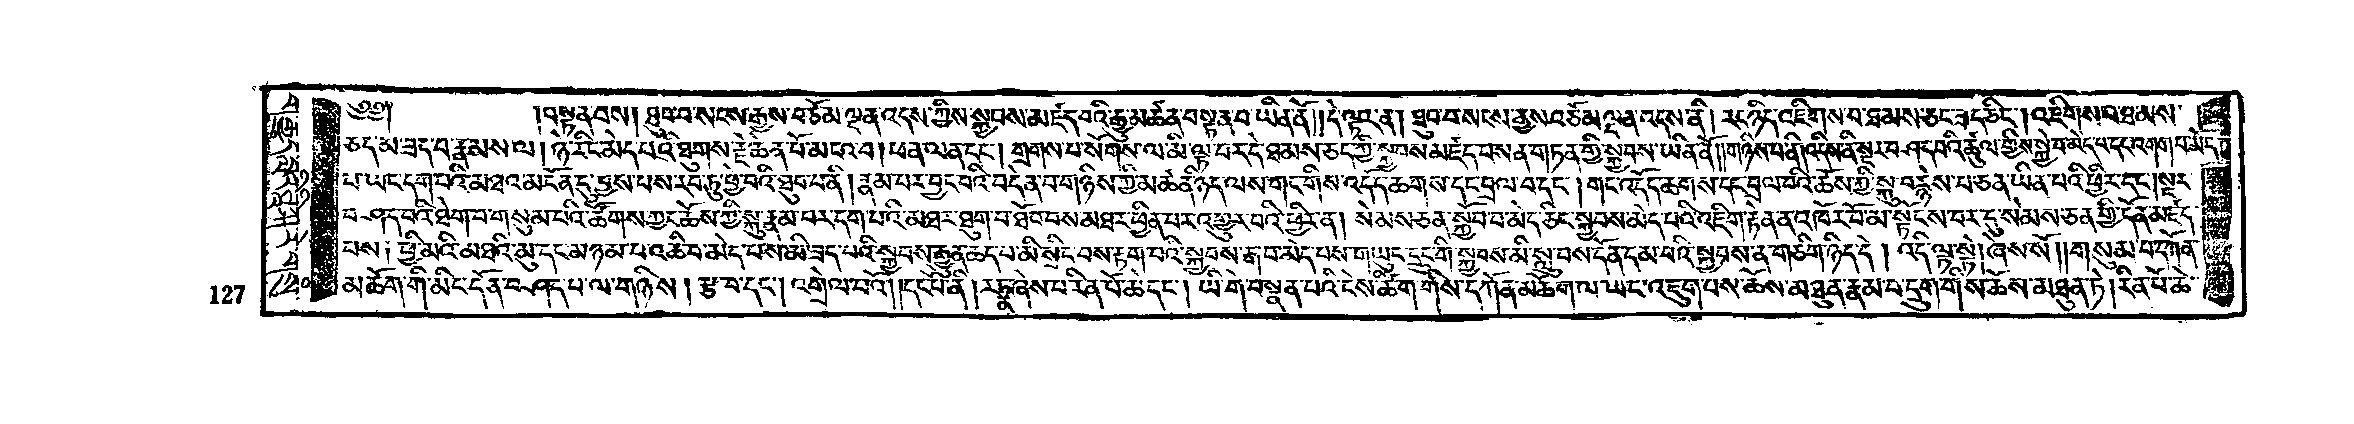༄༅། །བསྟན་པས། ཐུབ་པ་སངས་རྒྱས་བཅོམ་ལྡན་འདས་ཀྱིས་སྐྱབས་མཛད་པའི་རྒྱུ་མཚན་བསྟན་པ་ཡིན་ནོ། །དེ་ལྟར་ན། ཐུབ་པ་སངས་རྒྱས་བཅོམ་ལྡན་འདས་ནི། རང་ཉིད་འཇིགས་པ་ཐམས་ཅད་ཟད་ཅིང་། འཇིགས་པ་ཐམས་
ཅད་མ་ཟད་པ་རྣམས་ལ། ཉེ་རིང་མེད་པའི་ཐུགས་རྗེ་ཆེན་པོ་མངའ་བ། ཕན་ལན་དང་། གྲགས་པ་སོགས་ལ་མི་ལྟ་བར་དེ་ཐམས་ཅད་ཀྱི་སྐྱབས་མཛད་པས་ན་གཏན་གྱི་སྐྱབས་ཡིན་ནོ། །གཉིས་པ་ནི། འདིས་ནི་སྔར་བཤད་པའི་ཚུལ་གྱིས་སྐྱེ་བ་མེད་པ་དང་འགག་པ་མེད་
པ་ཡང་དག་པའི་མཐའ་མངོན་དུ་བྱས་པས་རབ་ཏུ་ཕྱེ་བའི་ཐུབ་པ་ནི། རྣམ་པར་བྱང་བའི་བདེན་པ་གཉིས་ཀྱི་མཚན་ཉིད་ལས་གང་གིས་འདོད་ཆགས་དང་བྲལ་བ་དང་། གང་འདོད་ཆགས་དང་བྲལ་བའི་ཆོས་ཀྱི་སྐུ་བརྙེས་པ་ཅན་ཡིན་པའི་ཕྱིར་དང་། སྔར་
བཤད་པའི་ཐེག་པ་གསུམ་པའི་ཚོགས་ཀྱང་ཆོས་ཀྱི་སྐུ་རྣམ་པར་དག་པའི་མཐར་ཐུག་པ་ཐོབ་པས་མཐར་ཕྱིན་པར་འགྱུར་པའི་ཕྱིར་ན། སེམས་ཅན་སྐྱོབ་པ་མེད་ཅིང་སྐྱབས་མེད་པའི་འཇིག་རྟེན་ན་འཁོར་བོ་མ་སྟོངས་པར་དུ་སེམས་ཅན་གྱི་དོན་མཛད་
པས༑ ཕྱི་མའི་མཐའི་མུ་དང་མཉམ་པ་འཆི་བ་མེད་པས་མི་ཟད་པའི་སྐྱབས་རྒྱུན་ཆད་པ་མི་སྲིད་པས་རྟག་པའི་སྐྱབས་རྒ་བ་མེད་པས་གཡུང་དྲུང་གི་སྐྱབས་མི་སླུ་བས་དོན་དམ་པའི་སྐྱབས་ན་གཅིག་ཉིད་དེ། འདི་ལྟ་སྟེ། ཞེས་སོ། །གསུམ་པ་དཀོན་
མཆོག་གི་མིང་དོན་བཤད་པ་ལ་གཉིས། རྩ་བ་དང་། འགྲེལ་པའོ། །དང་པོ་ནི། རཏྣ་ཞེས་པ་རིན་པོ་ཆེ་དང་། ཡི་གེ་བསྣན་པའི་ངེས་ཚིག་གིས་དཀོན་མཆོག་ལ་ཡང་འཇུག་པས་ཆོས་མཐུན་རྣམ་པ་དྲུག་གིས་ཆོས་མཐུན་ཏེ། རིན་པོ་ཆེ་